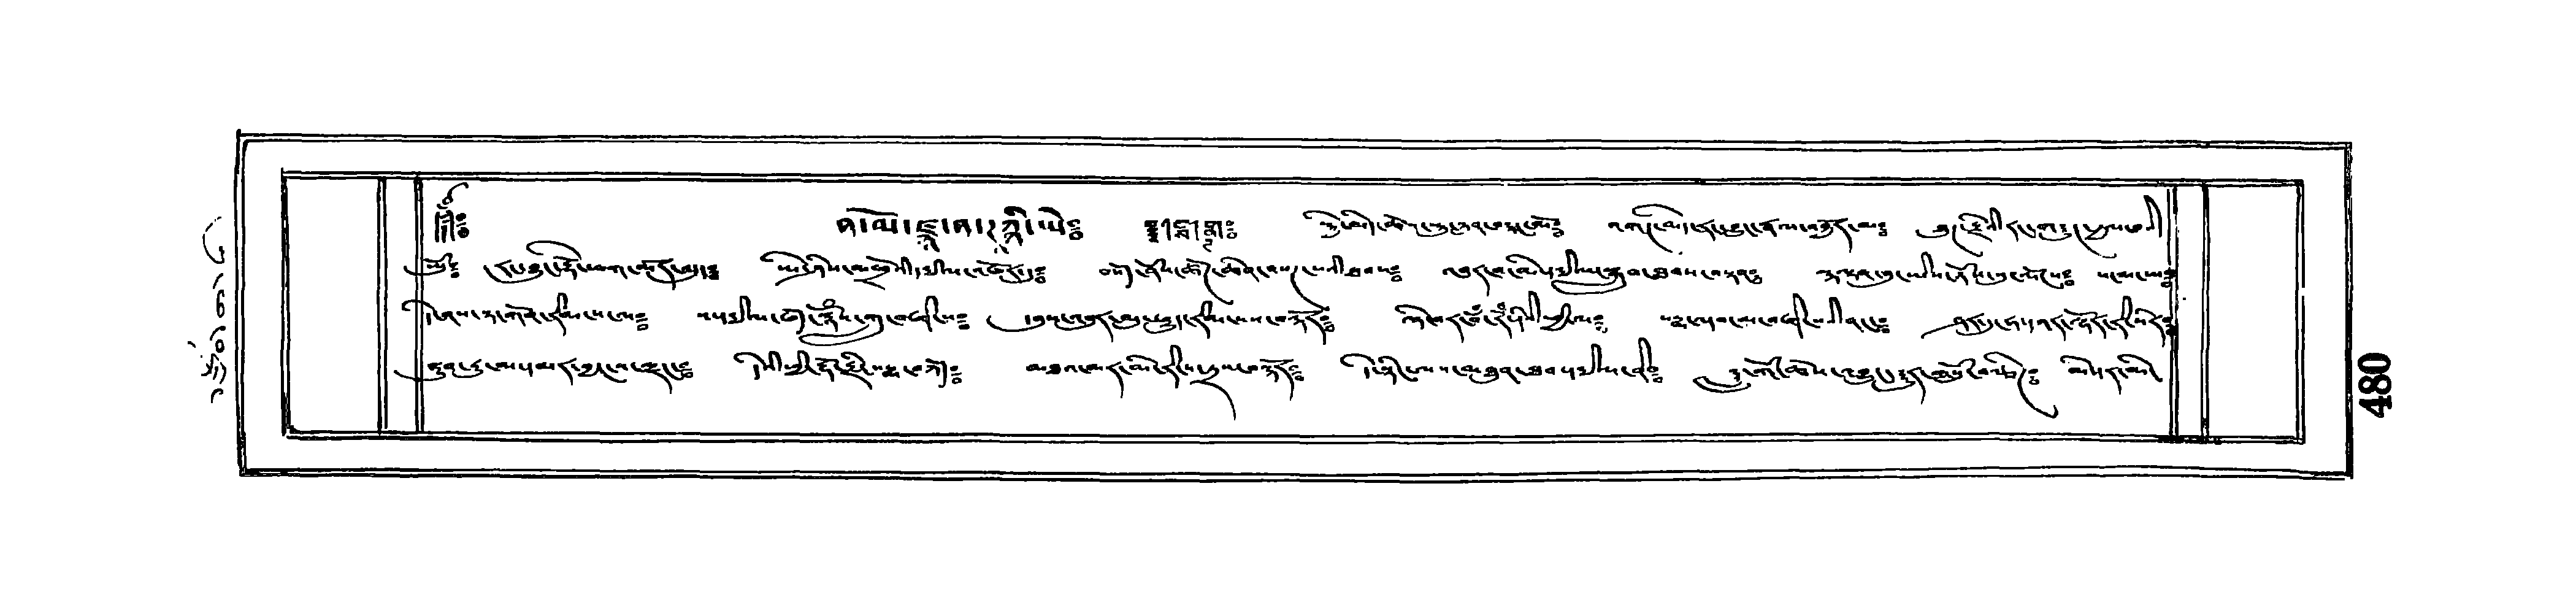ན་མོ་ཛྙཱ་ན་ཌཱཀྐི་ཡེ༔ སྐྱེ་མེད་ཆོས་སྐུ་ཀུན་བཟང་མོ༔ འགགས་མེད་རང་བྱུང་རྣལ་འབྱོར་མ༔ ཐུགས་རྗེའི་རང་གཟུགས་རྒྱལ་བའི་
ཡུམ༔ རང་བྱུང་རྡོ་རྗེ་ཕག་མོར་འདུད༔ ཡེ་ཤེས་མཁའ་འགྲོའི་དཀྱིལ་འཁོར་དུ༔ བསོད་ནམས་ཚོགས་ཆེན་གསོག་པའི་ཐབས༔ འབར་བ་མེ་དཀྱིལ་སྒྲུབ་ཐབས་བསྟན༔ སྐལ་ལྡན་བུ་ཡིས་ཉམས་སུ་ལོངས༔ ས་མ་ཡ༔ 
དེ་ནས་སྟ་གོན་རིམ་པ་ལ༔ ས་དཀྱིལ་ཁོད་སྙོམས་གྲུ་བཞི་པ༔ དབུས་འབུར་མུ་ཁྱུད་རིམ་པས་བསྐོར༔ ལྟེ་བར་བྃ་རྃ་དེའི་ཕྱི་ལ༔ པདྨ་འདབ་མ་བཞི་པའི་ནང༔ ཤར་དུ་ཧ་དཀར་ལྷོར་རི་སེར༔ 
ནུབ་ཏུ་ནི་དམར་བྱང་ས་ལྗང༔ དེའི་ཕྱི་རྡོ་རྗེ་པདྨ་བཀོད༔ མཐའ་མར་མེ་རི་པ་ཏྲས་བསྐོད༔ དེ་སྟེང་ལས་མཐུན་ཐབ་དཀྱིལ་ནི༔ ཟླ་གམ་ཆོས་འབྱུང་ཟུར་གསུམ་བརྩེགས༔ མེ་དར་མེ་